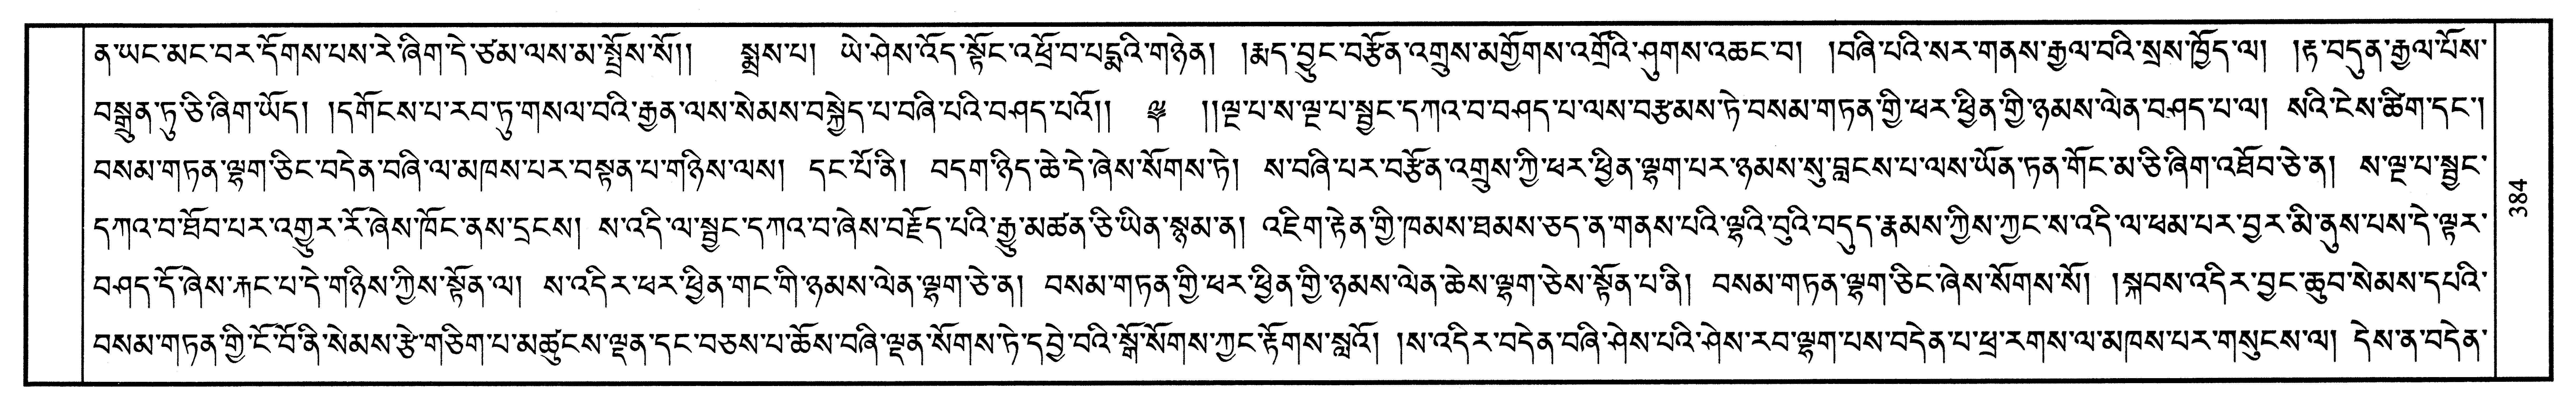ན་ཡང་མང་བར་དོགས་པས་རེ་ཞིག་དེ་ཙམ་ལས་མ་སྤྲོས་སོ།། སྨྲས་པ། ཡེ་ཤེས་འོད་སྟོང་འཕྲོ་བ་པདམའི་གཉེན། །རྨད་བྱུང་བརྩོན་འགྲུས་མགྱོགས་འགྲོའི་ཤུགས་འཆང་བ། །བཞི་པའི་སར་གནས་རྒྱལ་བའི་སྲས་ཁྱོད་ལ། །རྟ་བདུན་རྒྱལ་པོས་
བསྒྲུན་ཏུ་ཅི་ཞིག་ཡོད། །དགོངས་པ་རབ་ཏུ་གསལ་བའི་རྒྱན་ལས་སེམས་བསྐྱེད་པ་བཞི་པའི་བཤད་པའོ།། ༈ །།ལྔ་པ་ས་ལྔ་པ་སྦྱང་དཀའ་བ་བཤད་པ་ལས་བརྩམས་ཏེ་བསམ་གཏན་གྱི་ཕར་ཕྱིན་གྱི་ཉམས་ལེན་བཤད་པ་ལ། སའི་ངེས་ཚིག་དང་།
བསམ་གཏན་ལྷག་ཅིང་བདེན་བཞི་ལ་མཁས་པར་བསྟན་པ་གཉིས་ལས། དང་པོ་ནི། བདག་ཉིད་ཆེ་དེ་ཞེས་སོགས་ཏེ། ས་བཞི་པར་བརྩོན་འགྲུས་ཀྱི་ཕར་ཕྱིན་ལྷག་པར་ཉམས་སུ་བླངས་པ་ལས་ཡོན་ཏན་གོང་མ་ཅི་ཞིག་འཐོབ་ཅེ་ན། ས་ལྔ་པ་སྦྱང་
དཀའ་བ་ཐོབ་པར་འགྱུར་རོ་ཞེས་ཁོང་ནས་དྲངས། ས་འདི་ལ་སྦྱང་དཀའ་བ་ཞེས་བརྗོད་པའི་རྒྱུ་མཚན་ཅི་ཡིན་སྙམ་ན། འཇིག་རྟེན་གྱི་ཁམས་ཐམས་ཅད་ན་གནས་པའི་ལྷའི་བུའི་བདུད་རྣམས་ཀྱིས་ཀྱང་ས་འདི་ལ་ཕམ་པར་བྱར་མི་ནུས་པས་དེ་ལྟར་
བཤད་དོ་ཞེས་རྐང་པ་དེ་གཉིས་ཀྱིས་སྟོན་ལ། ས་འདིར་ཕར་ཕྱིན་གང་གི་ཉམས་ལེན་ལྷག་ཅེ་ན། བསམ་གཏན་གྱི་ཕར་ཕྱིན་གྱི་ཉམས་ལེན་ཆེས་ལྷག་ཅེས་སྟོན་པ་ནི། བསམ་གཏན་ལྷག་ཅིང་ཞེས་སོགས་སོ། །སྐབས་འདིར་བྱང་ཆུབ་སེམས་དཔའི་
བསམ་གཏན་གྱི་ངོ་བོ་ནི་སེམས་རྩེ་གཅིག་པ་མཚུངས་ལྡན་དང་བཅས་པ་ཆོས་བཞི་ལྡན་སོགས་ཏེ་དབྱེ་བའི་སྒོ་སོགས་ཀྱང་རྟོགས་སླའོ། །ས་འདིར་བདེན་བཞི་ཤེས་པའི་ཤེས་རབ་ལྷག་པས་བདེན་པ་ཕྲ་རགས་ལ་མཁས་པར་གསུངས་ལ། དེས་ན་བདེན་